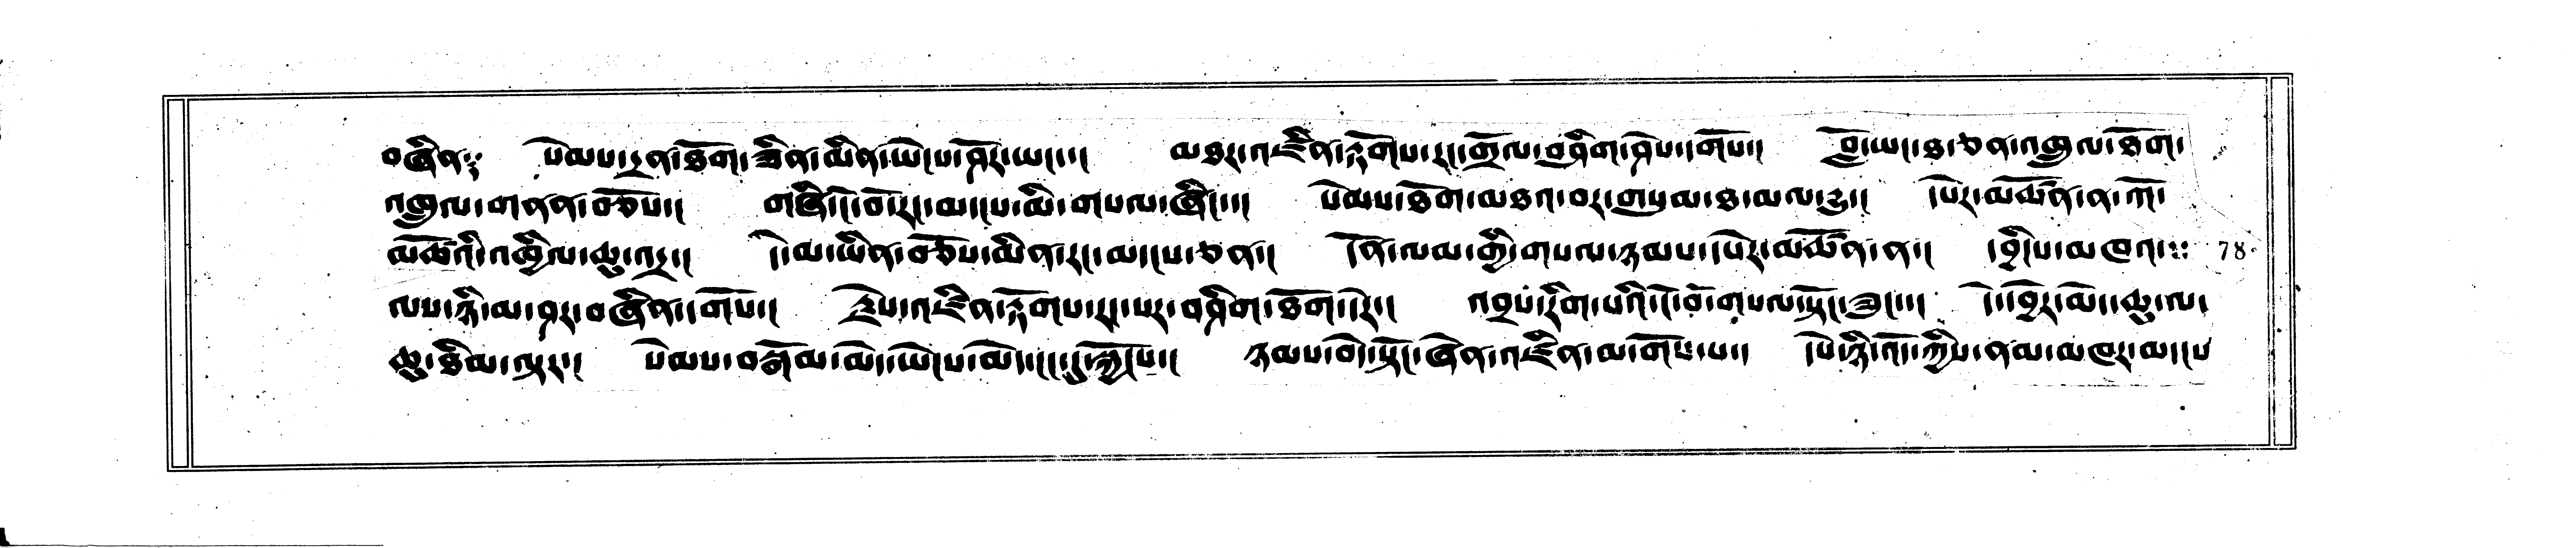བཞིན། །སེམས་དྲན་ཐོག་ཟིན་མིན་ཡེངས་ཤོར་ཡང་། །མཐར་འཛིན་རྟོག་རང་གྲོལ་བཤིག་ཤེས་དགོས། །བློ་ཡང་ཐ་ཅན་འཁྲུལ་ཐོག་
འཁྲུལ་གནན་བཅོས། །གཞི་ངོ་བོ་རང་མདངས་མི་གསལ་ཞིང་། །སེམས་ཐོག་མཐའ་བར་གསུམ་ཐ་མལ་རྒྱུ། །དཔེར་མཚོན་ན་ཀོ་
མཚོའི་འཁྱིལ་ཆུ་འདྲ། །དེ་མ་ཡིན་བཅོས་མའི་རང་མདངས་ཅན། །དོན་ལམ་གྱི་གསལ་ཉམས་དཔེར་མཚོན་ན། །དབྱིངས་མཁའ་
ལས་ཉི་མ་ཤར་བཞིན་དགོས། །རྗེས་འཛིན་རྟོག་རང་སར་བཤིག་ཐོག་དེར། །འབྲས་རིག་པའི་ངོ་བོ་གསལ་སྟོང་ཟུང་། །དེ་དབྱེར་མེད་ཆུ་ལ་
ཆུ་ཐིམ་ལྟར། །སེམས་སྒོམ་མེད་ཡེངས་མེད་ངང་དུ་སྐྱོང་། །ཉམས་བདེ་སྟོང་ཞེན་འཛིན་མ་གོས་པ། །དཔེ་ཉི་འོད་ཀྱིས་ནམ་མཁར་མདངས་